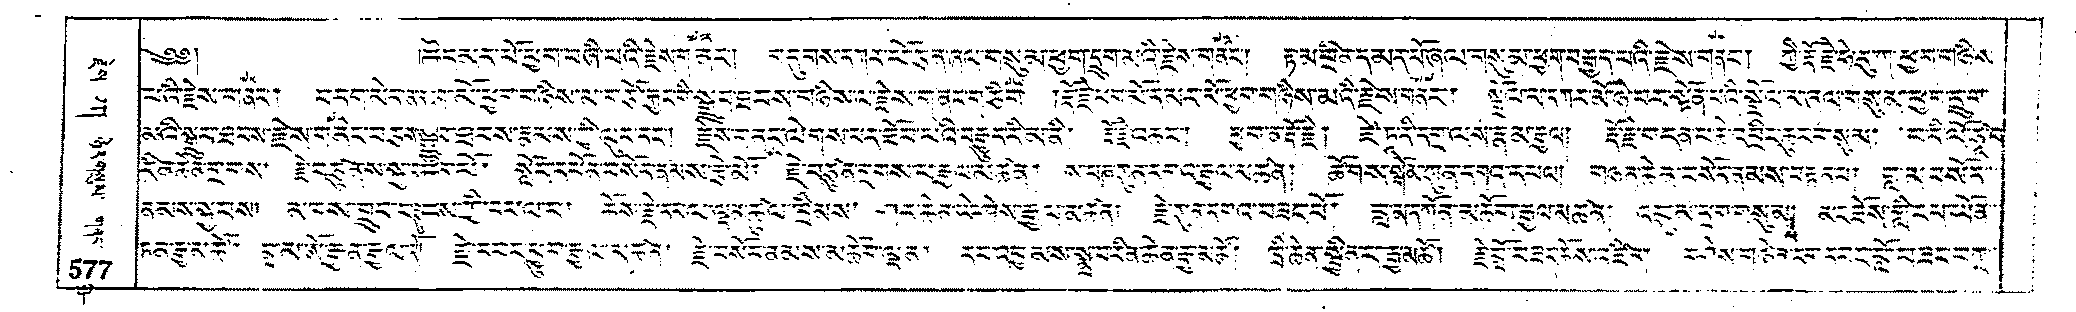༄༅། །ཆེ་དམར་པོ་ཕྱག་བཞི་པའི་རྗེས་གནང་། གདུགས་དཀར་པོ་ཅན་ཞལ་གསུམ་ཕྱག་དྲུག་མའི་རྗེས་གནང་། རྟ་མགྲིན་དམར་པོ་ཞལ་གསུམ་ཕྱག་བརྒྱད་པའི་རྗེས་གནང་། ཀྱཻ་རྡོ་རྗེ་ཧེ་རུ་ཀ་ཕྱག་གཉིས་
པའི་རྗེས་གནང་། བདག་མེད་མ་ནག་མོ་ཕྱག་གཉིས་མ་གཙོ་རྐྱང་གི་སྒྲུབ་ཐབས་གཉིས་ལ་རྗེས་གནང་གཅིག །རྡོ་རྗེ་ཕག་མོ་དམར་མོ་ཕྱག་གཉིས་མའི་རྗེས་གནང་། སྒྲོལ་མ་དཀར་མོ་ཉེ་བར་སྟོན་པའི་སྒྲོལ་མ་ཞལ་གསུམ་ཕྱག་དྲུག་
མའི་སྒྲུབ་ཐབས་རྗེས་གནང་བཅས་སྒྲུབ་ཐབས་རྣམས་ཀྱི་ལུང་དང་། རྗེས་གནང་ལེགས་པར་ཐོབ་པའི་བརྒྱུད་རིམ་ནི། རྡོ་རྗེ་འཆང་། ཕྱག་ན་རྡོ་རྗེ། ཛེ་ཏཱ་རི་དགྲ་ལས་རྣམ་རྒྱལ། རྡོ་རྗེ་གདན་པ་ཆེ་འབྲིང་ཆུང་གསུམ། བ་རི་ལོ་ཙཱ་བ་
རིན་ཆེན་གྲགས། རྗེ་བཙུན་ས་སྐྱ་བ་ཆེན་པོ། སློབ་དཔོན་བསོད་ནམས་རྩེ་མོ། རྗེ་བཙུན་གྲགས་པ་རྒྱལ་མཚན། ས་པཎ་ཀུན་དགའ་རྒྱལ་མཚན། ཚོགས་སྒོམ་ཀུན་དགའ་དཔལ། གཉན་ཆེན་བསོད་ནམས་བརྟན་པ། བླ་མ་བསོད་
ནམས་སྐྱབས། མཁས་གྲུབ་བཟུངས་ཀྱི་དཔལ་བ། ཆོས་རྗེ་དཔལ་ལྡན་ཚུལ་ཁྲིམས། ཤར་ཆེན་ཡེ་ཤེས་རྒྱལ་མཚན། རྗེ་ཀུན་དགའ་བཟང་པོ། བླ་མ་དཀོན་མཆོག་རྒྱལ་མཚན། འབུམ་ཕྲག་གསུམ། མང་ཐོས་གླིང་པ་ཡོན་
ཏན་རྒྱ་མཚོ། བླ་མ་ཨོ་རྒྱན་རྒྱལ་པོ། རྗེ་དབང་ཕྱུག་རྒྱལ་མཚན། རྗེ་བསོད་ནམས་མཆོག་ལྡན། རབ་འབྱམས་སྨྲ་བ་རིན་ཆེན་རྒྱ་མཚོ། ཁྲི་ཆེན་སྦྱིན་པ་རྒྱ་མཚོ། རྗེ་བློ་བཟང་ཆོས་འཛིན། བཤེས་གཉེན་ངག་དབང་བློ་བཟང་བཀྲ་